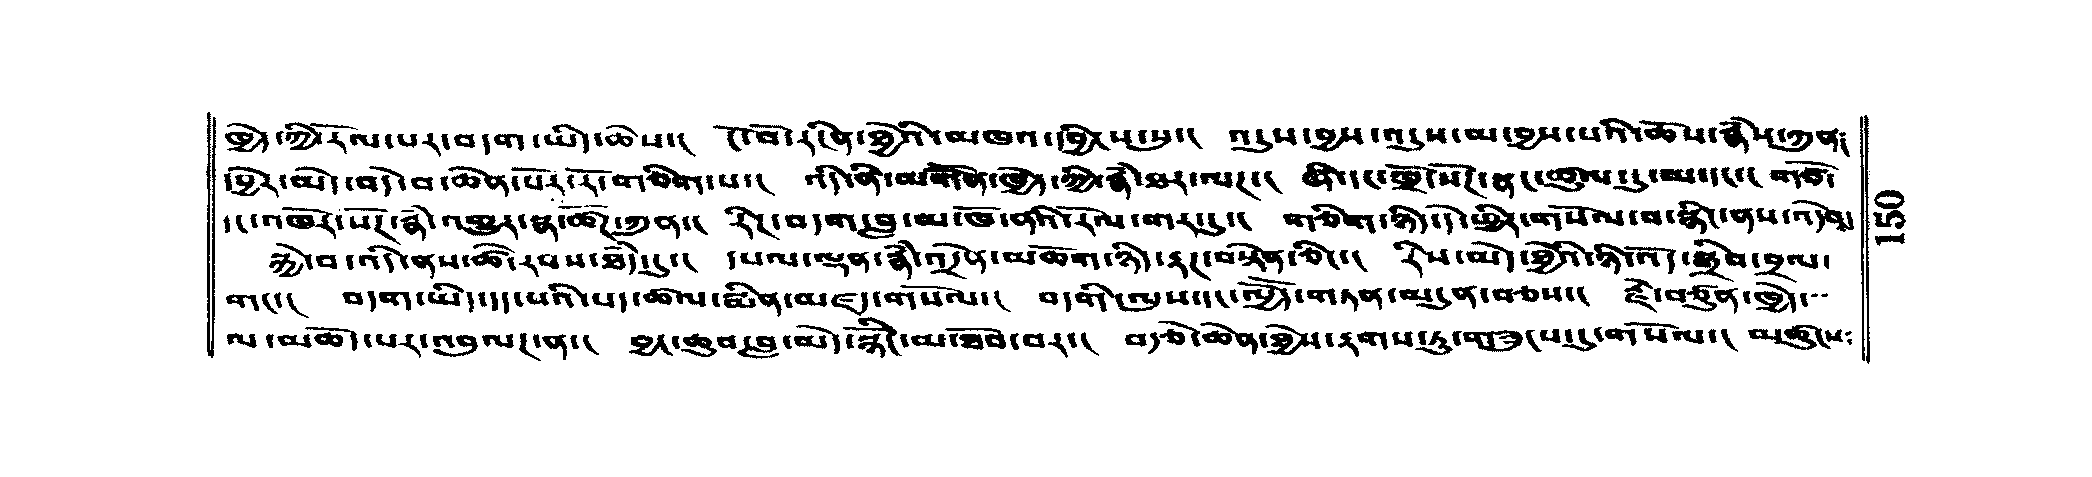ཁྱེད་ཀྱི་རོལ་པར་བདག་ཡིད་ཆེས། །ངོ་བོ་རང་བཞིན་ཐུགས་རྗེའི་མཁའ་དབྱིངས་སུ། །འདུས་བྱས་འདུས་མ་བྱས་པའི་ཆོས་རྣམས་ཀུན། །
དབྱེར་མེད་བདེ་བ་ཆེན་པོར་རོ་གཅིག་པ། །འདི་ནི་མགོན་པོ་ཁྱེད་ཀྱི་རྣམ་ཐར་ལགས། །ཞི་དང་ཁྲོ་སོགས་སྣང་ཚུལ་དུ་མ་དང་། །གཙོ་
དང་འཁོར་སོགས་རྣམ་འགྱུར་སྣ་ཚོགས་ཀུན། །རིགས་བདག་བླ་མ་ཁོ་ནའི་རོལ་གར་དུ། །གཅིག་ཉིད་དེ་ཕྱིར་གསོལ་བ་སྙིང་ནས་འདེབས། །
སྐྱེ་བ་འདི་ནས་ཚེ་རབས་ཐམས་ཅད་དུ། །དཔལ་ལྡན་རྣམ་འདྲེན་མཆོག་ཉིད་རྟག་བསྟེན་ཅིང་། །རིས་མེད་ཐུགས་རྗེའི་ཉི་འོད་སྒྲིབ་བྲལ་
གང་། །བདག་ཡིད་དད་པའི་པད་ཚལ་སྨིན་མཛད་གསོལ། །བདག་གི་ལུས་དང་ལོངས་སྤྱོད་གཏན་མདུན་བཅས། །རྗེ་བཙུན་ཁྱེད་
ལ་མཆོད་པར་འབུལ་ལགས་ན། །བྱང་ཆུབ་བླ་མེད་སྙིང་པོ་མ་ཐོབ་བར། །བརྩེ་ཆེན་ཐུགས་རྗེས་རྟག་ཏུ་བཟུང་ཏུ་གསོལ། །མཚུངས་